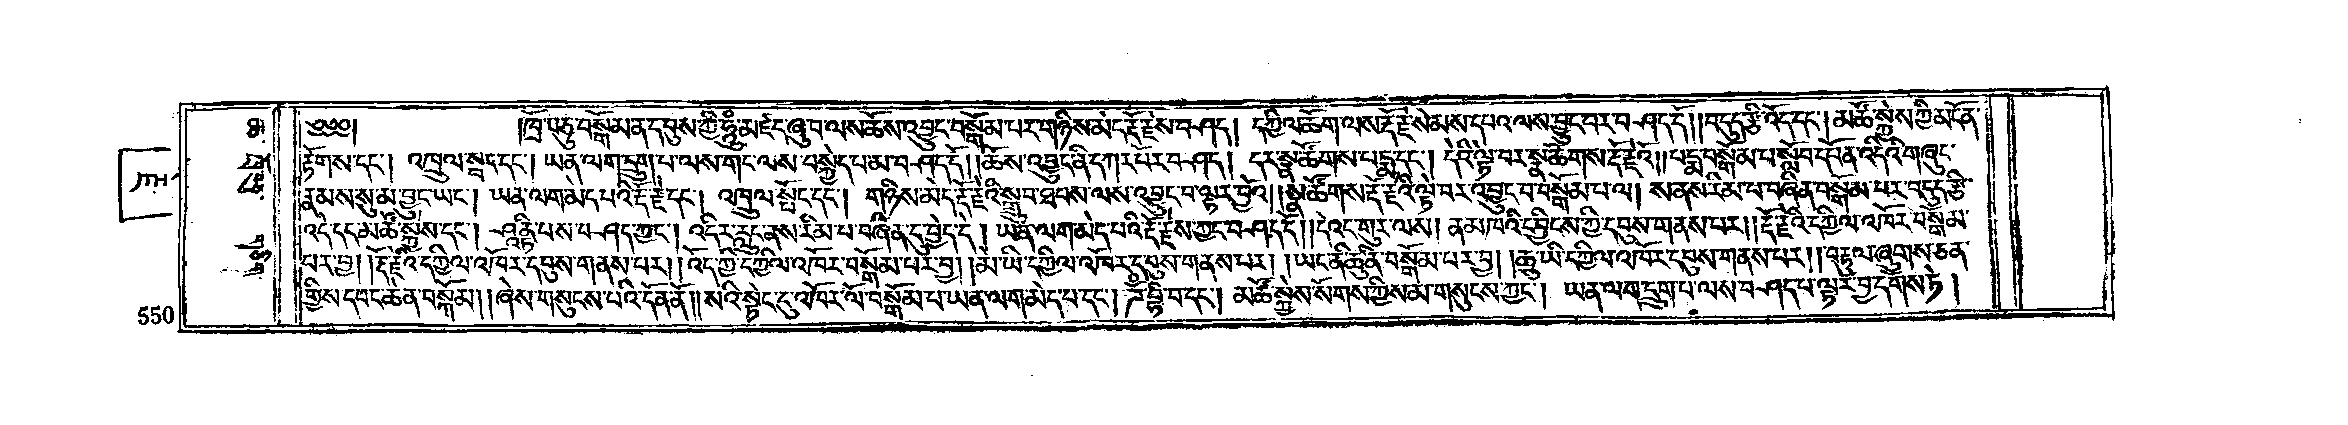༄༅༅། །ཁྲོ་བཅུ་བསྒོམ་ན་དབུས་ཀྱི་ཧཱུཾ་མཛད་ཞུ་བ་ལས་ཆོས་འབྱུང་བསྒོམ་པར་གཉིས་མེད་རྡོ་རྗེས་བཤད། དཀྱིལ་ཆོག་ལས་རྡོ་རྗེ་སེམས་དཔའ་ལས་བྱུང་བར་བཤད་དོ། །བདུད་རྩི་འོད་དང་། མཆོ་སྐྱེས་ཀྱི་མངོན་
རྟོགས་དང་། འཁྲུལ་སྤང་དང་། ཡན་ལག་དྲུག་པ་ལས་གང་ལས་བསྐྱེད་པ་མ་བཤད་དོ། །ཆོས་འབྱུང་ནི་དཀར་པོར་བཤད། དར་སྣ་ཚོགས་པདམ་དང་། དེའི་ལྟེ་བར་སྣ་ཚོགས་རྡོ་རྗེའོ། །པདམ་བསྒོམ་པ་སློབ་དཔོན་འདིའི་གཞུང་
རྣམས་སུ་མ་བྱུང་ཡང་། ཡན་ལག་མེད་པའི་རྡོ་རྗེ་དང་། འཁྲུལ་སྤོང་དང་། གཉིས་མེད་རྡོ་རྗེའི་སྒྲུབ་ཐབས་ལས་འབྱུང་བ་ལྟར་བྱའོ། །སྣ་ཚོགས་རྡོ་རྗེའི་ལྟེ་བར་འབྱུང་བ་བསྒོམ་པ་ལ། ས་ནས་རིམ་པ་བཞིན་བསྒོམ་པར་བདུད་རྩི་
འོད་དང་མཚོ་སྐྱེས་དང་། ཤཱནྟི་པས་བཤད་ཀྱང་། འདིར་རླུང་ནས་རིམ་པ་བཞིན་དུ་བྱེད་དེ། ཡན་ལག་མེད་པའི་རྡོ་རྗེས་ཀྱང་བཤད་དོ། །དེའང་གུར་ལས། ནམ་མཁའི་དབྱིངས་ཀྱི་དབུས་གནས་པར། །རྡོ་རྗེའི་དཀྱིལ་འཁོར་བསྒོམ་
པར་བྱ། །རྡོ་རྗེའི་དཀྱིལ་འཁོར་དབུས་གནས་པར། །འོད་ཀྱི་དཀྱིལ་འཁོར་བསྒོམ་པར་བྱ། །མེ་ཡི་དཀྱིལ་འཁོར་དབུས་གནས་པར། །ཡང་ནི་ཆུ་ནི་བསྒོམ་པར་བྱ། །ཆུ་ཡི་དཀྱིལ་འཁོར་དབུས་གནས་པར། །བརྟུལ་ཞུགས་ཅན་
གྱིས་དབང་ཆེན་བསྒོམ། །ཞེས་གསུངས་པའི་དོན་ནོ། །སའི་སྟེང་དུ་འཁོར་ལོ་བསྒོམ་པ་ཡན་ལག་མེད་པ་དང་། ཌོཾ་བྷི་བ་དང་། མཚོ་སྐྱེས་སོགས་ཀྱིས་མ་གསུངས་ཀྱང་། ཡན་ལག་དྲུག་པ་ལས་བཤད་པ་ལྟར་བྱ་དགོས་ཏེ།